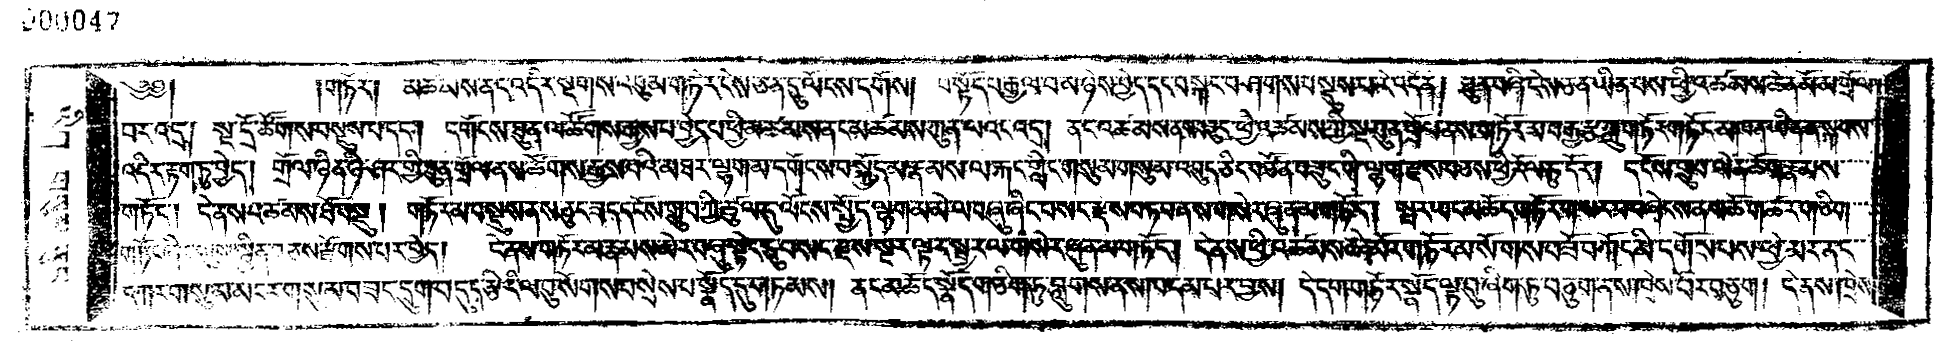༄༅། །གཏོར། མཚམས་ནང་འདིར་སྔགས་འབུམ་གཏེར་ངེས་ཅན་དུ་ལོངས་དགོས། བསྟོད་པ་རྒྱལ་བ་མ་ཉེས་བྱེད་དང་བསྐང་བཤགས་བསྡུས་པ་རེ་འདོན། ཐུན་བཞི་ངེས་ཅན་ཡིན་པས་ཕྱི་འཚམས་ཆེན་མོ་མ་གྲོལ་
བར་འདྲ། སྔ་དྲོ་ཚོགས་བསྡུས་པ་དང་། དགོངས་ཐུན་ལ་ཚོགས་རྒྱས་པ་བྱེད་པ་ཕྱི་མཚམས་ནང་མཚམས་ཀུན་ལའང་འདྲ། ནང་འཚམས་ནས་བཟུང་ཕྱི་འཚམས་ཀྱི་སྔ་ཐུན་གྲོལ་ནས་གཏོར་མ་བརྒྱ་རྩ་ཀླུ་གཏོར་གཏོང་མཁན་ཡིན་ན་སྐབས་
འདིར་རྟག་ཏུ་བྱེད། གྲོལ་ཉིན་ཉི་ཤར་གྱི་ཐུན་གྲོལ་ནས་ཚོགས་རྒྱས་པའི་མཐར་ལྷག་མ་དགོངས་བསྐྱོད་མ་རྣམས་ལ་རྐང་གླིང་གསུམ་གསུམ་འབུད་ཅིང་བཙོན་བཟུང་གི་ལྷག་རྫས་བཅས་ཕྱི་རོལ་ཏུ་དོར། དངོས་གྲུབ་ལེན་ཆོ་ག་རྣམས་
གཏོང་། དེ་ནས་འཚམས་ཐོ་བསྡུ། གཏོར་མ་བསྡུས་ནས་ཅུང་ཟད་དངོས་གྲུབ་ཀྱི་ཚུལ་དུ་ལོངས་སྤྱོད་ལྷག་མ་མེ་ལ་བཞུ་ཞིང་བསང་རྫས་བཏབ་ནས་གསེར་ཞུ་ན་མ་གཏོང་། སླར་ཡང་མཆོད་གཏོར་གསར་པ་བཞེངས་ནས་ཆོ་ག་ཚར་གཅིག་
གཏོང་ཞིང་ལུས་སྦྱིན་བཅས་རྫོགས་པར་བྱེད། དེ་ནས་གཏོར་མ་རྣམས་མེར་བཞུ་སྟེང་དུ་བསང་རྫས་སྔར་ལྟར་སྦྱར་ལ་གསེར་ཞུན་མ་གཏོང་། དེ་ནས་ཕྱི་འཚམས་ཆེན་མོར་གཏོར་མ་སོགས་བཟོ་བཀོད་མི་དགོས་པས་ཕྱེ་མར་ནང་
དཀར་གསུམ་མངར་གསུམ་བཟང་དྲུག་བདུད་རྩི་རིལ་བུ་སོགས་བསྲེས་པ་སྣོད་དུ་གཏམས། ནང་མཆོད་སྣོད་གཅིག་ཏུ་བླུགས་ནས་ཁ་དམ་པར་བྱས། དེ་དག་གཏོར་སྣོད་ལྟ་བུ་ཞིག་ཏུ་བཅུག་ནས་ཁྲོས་བོར་བཅུག །དེ་ནས་ཁྲེས་